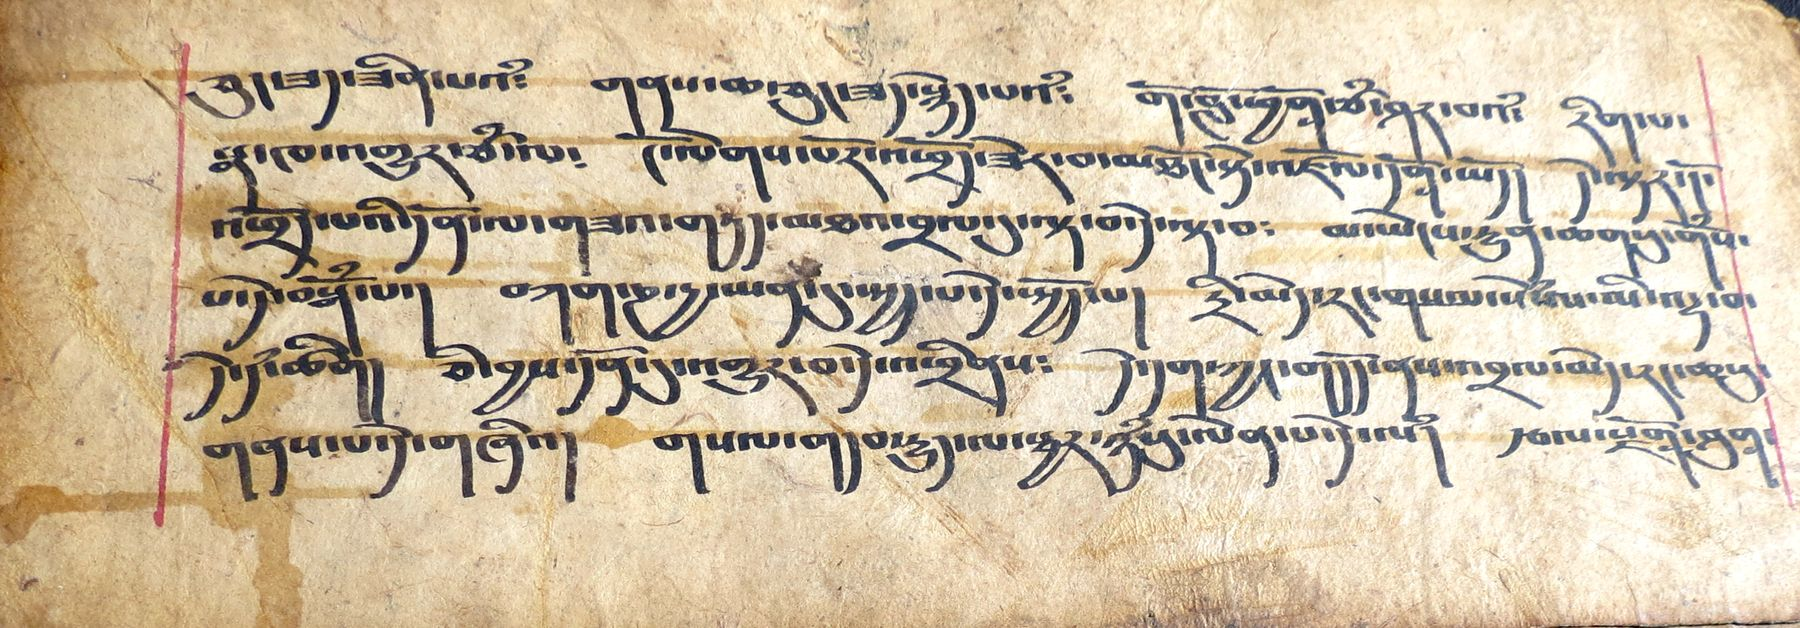ཅུང་ཟད་ཟིན་པའམ་གནས་ཆ་ཅུང་ཟད་རྙེད་པའམ། གོ་བློ་ཕྱོགས་ཙམ་ཤར་བའམ། རིག་པ་
ནང་དུ་ཁ་འགྱུར་བ་ཙམ་ལ། ངོ་ལེགས་པར་འཕྲོད་ཟེར་བ་མཐོང་སྟེ་འཛོལ་དོགས་ཡོད། དེ་ལྟར་ངོ་
འཕྲོད་པའི་དོན་དེ་ལ་གཟའ་གཏད་མཐའ་བྲལ་དུ་ལྟ་བ་དེ་ལྟ་བ། མ་ཡེངས་རྒྱུན་ཆགས་སུ་བསྒོམ་
པ་དེ་སྒོམ་པ། བཀག་མེད་རྒྱ་ཡན་དུ་སྤྱོད་པ་དེ་སྤྱོད་པ། དྲི་མེད་རང་སེམས་ལ་མི་འདའ་བ་
དེ་དམ་ཚིག ཅི་བྱས་དོན་དུ་འགྱུར་བ་དེ་ཕྲིན་ལས། དེ་དག་ཀྱང་གདོད་ནས་འབྲལ་མེད་རང་ཆས་སུ་
གནས་པ་དེ་གཞི། གསལ་བཏབ་རྒྱུད་ལ་སྦྱར་ནས་ཉམས་སུ་ལེན་པ་དེ་ལམ། རྩལ་རྫོགས་ཤུགས་